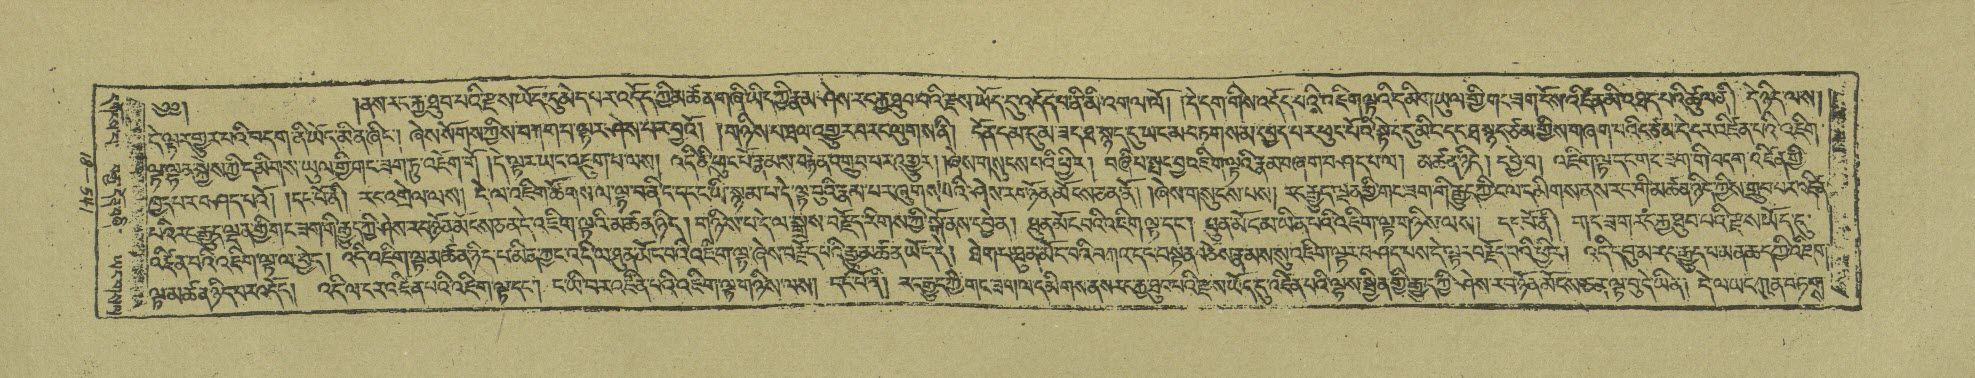༄༅། །ནས་རང་རྐྱ་ཐུབ་པའི་རྫས་ཡོད་དུ་མེད་པ་ལ་འདོད་ཀྱི་མཚན་གཞི་ཡིད་ཀྱི་རྣམ་ཤེས་རང་རྐྱ་ཐུབ་པའི་རྫས་ཡོད་དུ་འདོད་པ་ནི་མི་འགལ་ལོ། །དེ་དག་གིས་འདོད་པའི་འཇིག་ལྟའི་དམིག་ཡུལ་གྱི་གང་ཟག་ངོས་འཛིན་མི་འཐད་པའི་ཚུལ་ནི། དེ་ཉིད་ལས་
དེ་ལྟར་གྱུར་པའི་བདག་ནི་ཡོད་མིན་ཞིང་། ཞེས་སོགས་ཀྱིས་བཀག་པ་ལྟར་ཤེས་པར་བྱའོ། །གཉིས་པ་ཐལ་འགྱུར་པ་རང་ལུགས་ནི། དོན་དམ་དུ་མ་ཐད་ཐ་སྙད་དུ་ཡང་མ་བཏགས་མ་དཔྱད་པར་ཕུང་པོའི་སྟེང་དུ་མིང་དང་ཐ་སྙད་ཙམ་གྱིས་གཞག་པའི་ཙམ་དེ་ངར་འཛིན་པའི་འཇིག་
ལྟ་ལྷན་སྐྱེས་ཀྱི་དམིགས་ཡུལ་གྱི་གང་ཟག་ཏུ་འཇོག་གོ །དེ་ལྟར་ཡང་འཇུག་པ་ལས། འདི་ནི་ཕུང་པོ་རྣམས་བརྟེན་འགྲུབ་པར་འགྱུར། །ཞེས་གསུངས་པའི་ཕྱིར། བཞི་པ་སྤང་བྱ་འཇིག་ལྟའི་རྣམས་ཞག་བཤད་པ་ལ། མཚན་ཉིད། དབྱེ་བ། འཇིག་ལྟ་དང་གང་ཟག་གི་བདག་འཛིན་གྱི་
ཁྱད་པར་བཤད་པའོ། །དང་པོ་ནི། རང་འགྲེལ་ལས། དེ་ལ་འཇིག་ཚོགས་ལ་ལྟ་བ་ནི་ང་དང་ང་ཡི་སྙམ་པ་དེ་ལྟ་བུའི་རྣམ་པར་གཞུགས་པའི་ཤེས་རབ་ཉོན་མོངས་ཅན་ནོ། །ཞེས་གསུངས་པས། རང་རྒྱུད་ལྡན་གྱི་གང་ཟག་གི་རྒྱུད་ཀྱི་ང་ལ་དམིགས་ནས་རང་གི་མཚན་ཉིད་ཀྱིས་གྲུབ་པར་འཛིན་
པའི་རང་རྒྱུད་ལྡན་གྱི་གང་ཟག་གི་རྒྱུད་ཀྱི་ཤེས་རབ་ཉོན་མོངས་ཅན་དེ་འཇིག་ལྟའི་མཚན་ཉིད། གཉིས་པ་དེ་ལ་སྒྲས་བརྗོད་རིགས་ཀྱི་སྒོ་ནས་དབྱེ་ན། ཐུན་མོང་བའི་འཇིག་ལྟ་དང་། ཐུན་མོང་མ་ཡིན་པའི་འཇིག་ལྟ་གཉིས་ལས། དང་པོ་ནི། གང་ཟག་རང་རྐྱ་ཐུབ་པའི་རྫས་ཡོད་དུ་
འཛིན་པའི་འཇིག་ལྟ་ལ་བྱེད། འདི་འཇིག་ལྟ་མཚན་ཉིད་པ་མིན་ཀྱང་འདི་ལ་ཐུན་མོང་བའི་འཇིག་ལྟ་ཞེས་བརྗོད་པའི་རྒྱུ་མཚན་ཡོད་དེ། ཐེག་པ་ཐུན་མོང་བའི་བཀའ་དང་བསྟན་བཅོས་རྣམས་སུ་འཇིག་ལྟར་བཤད་པས་དེ་ལྟར་བརྗོད་པའི་ཕྱིར། འདི་དབུ་མ་རང་རྒྱུད་པ་མན་ཆད་ཀྱི་འཇིག་
ལྟ་མཚན་ཉིད་པར་འདོད། འདི་ལ་ངར་འཛིན་པའི་འཇིག་ལྟ་དང་། ང་ཡི་བར་འཛིན་པའི་འཇིག་ལྟ་གཉིས་ལས། དང་པོ་ནི། རང་རྒྱུད་ཀྱི་གང་ཟག་ལ་དམིགས་ནས་རང་རྐྱ་ཐུབ་པའི་རྫས་ཡོད་དུ་འཛིན་པའི་ལྷས་སྦྱིན་གྱི་རྒྱུད་ཀྱི་ཤེས་རབ་ཉོན་མོངས་ཅན་ལྟ་བུ་དེ་ཡིན། དེ་ལ་ཡང་ཀུན་བཏགས་